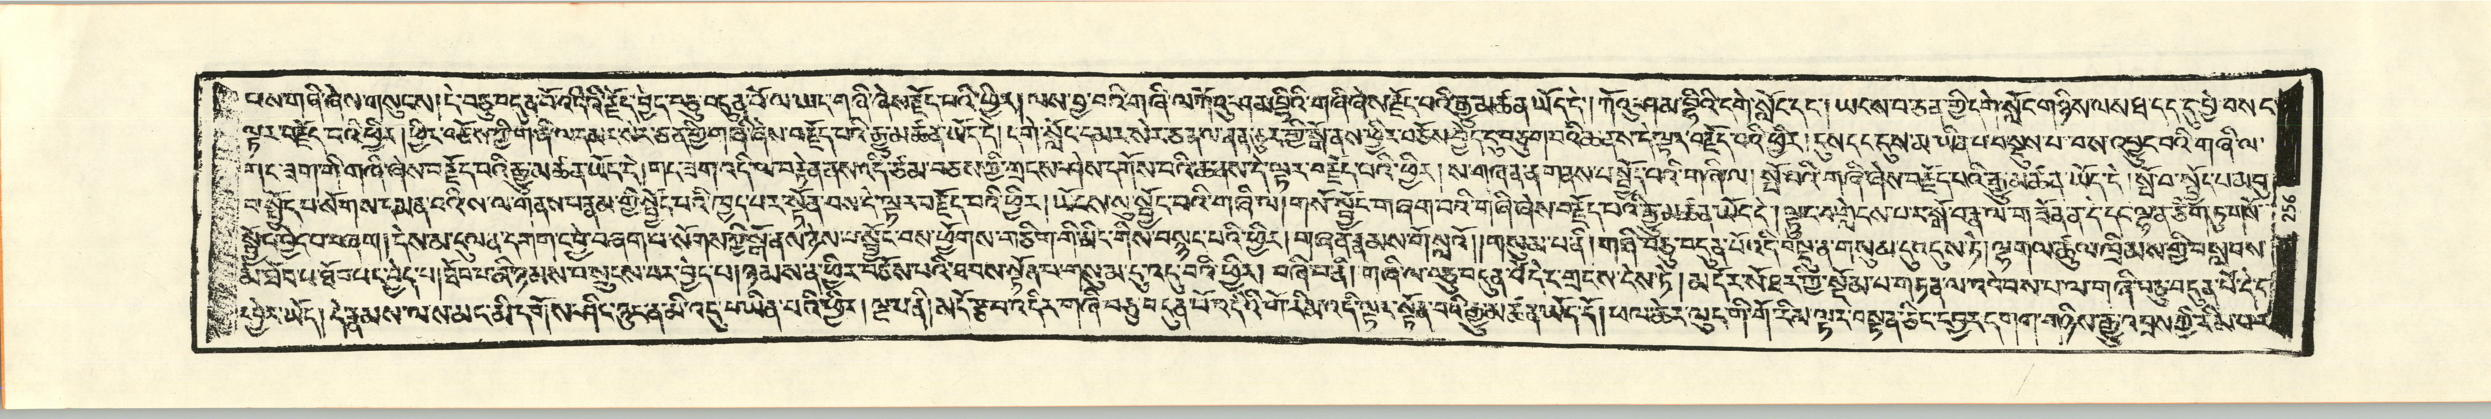པས་གཞི་ཞེས་གསུངས། དེ་བཅུ་བདུན་པོ་འདིའི་རྗོད་བྱེད་བཅུ་བདུན་བོ་ལ་ཡང་གཞི་ཞེས་རྗོད་པའི་ཕྱིར། ལས་བྱ་བའི་གཞི་ལ་ཀོའུ་ཤམ་བྷིའི་གཞི་ཞེས་རྗོད་པའི་རྒྱུ་མཚན་ཡོད་དེ། ཀོའུ་ཤམ་བྷིའི་དགེ་སློང་དང་། ཡངས་བ་ཅན་གྱི་དགེ་སློང་གཉིས་ལས་ཐ་དད་དུ་བྱེ་བསང་
ལྟར་བརྗོད་པའི་ཕྱིར། ཕྱིར་བཅོས་ཀྱི་གཞི་ལ་དམར་སེར་ཅན་གྱི་གཞི་ཞེས་བརྗོད་པའི་རྒྱུ་མཚན་ཡོད་དེ། དགེ་སློང་དམར་སེར་ཅན་ལ་ནན་ཅུར་གྱི་སྒོ་ནས་ཕྱིར་བཅོས་བྱེད་དུ་བཅུག་པའི་ཆ་ནས་དེ་ལྟར་བརྗོད་པའི་ཕྱིར། དུས་དང་དུས་མ་ཡིན་པ་བསྡུས་པ་བས་འབྱུང་བའི་གཞི་ལ་
གང་ཟག་གི་གཞི་ཞེས་བརྗོད་བའི་རྒྱུ་མཚན་ཡོད་དེ། གང་ཟག་འདི་ལ་བརྟེན་ནས་འདི་ཙམ་བཅས་ཀྱི་གྲངས་ཤེས་དགོས་པའི་ཆ་ནས་དེ་ལྟར་བརྗོད་པའི་ཕྱིར། ས་གཞན་ན་གནས་པ་སྤྱོད་བའི་གཞི་ལ། སྤོ་བའི་གཞི་ཞེས་བརྗོད་པའི་རྒྱུ་མཚན་ཡོད་དེ། སྤོ་བ་སྤྱོད་པ་མ་བུ་
བ་སྤྱོད་པ་སོགས་དམན་པའི་ས་ལ་གནས་པ་རྣམ་གྱི་སྤྱོད་པའི་ཁྱད་པར་སྟོན་བས་དེ་ལྟར་བརྗོད་པའི་ཕྱིར། ཡོངས་སུ་སྦྱོད་བའི་གཞི་ལ། གསོ་སྦྱོང་གཞག་བའི་གཞི་ཞེས་བརྗོད་པའི་རྒྱུ་མཚན་ཡོད་དེ། ལྟུང་བ་གླེངས་པར་སྒོ་བ་རྣལ་གཟོན་ན་དེ་དང་ལྷན་ཅིག་ཏུ་གསོ་
སྦྱོང་བྱེད་བ་བཞག །དེས་མ་དུལ་ན་དགག་དབྱེ་བཞག་པ་སོགས་ཀྱི་སྒོ་ནས་ཉེས་པ་སྦྱོང་བས་ཕྱོགས་གཅིག་གི་མིང་གིས་བསྙད་པའི་ཕྱིར། གཞན་རྣམས་གོ་སླའོ། །གསུམ་པ་ནི། གཞི་བཅུ་བདུན་པོ་འདི་བསྡུ་ན་གསུམ་དུ་འདུས་ཏེ། ལྷག་ལ་ཚུལ་ཁྲིམས་གྱི་བསླབས་
མ་ཐོབ་པ་ཐོབ་པར་བྱེད་པ། ཐོབ་པ་ནི་ཉམས་བ་སྲུངས་པར་བྱེད་པ། ཉམས་ན་ཕྱིར་བཅོས་པའི་ཐབས་སྟོན་པ་གསུམ་དུ་འདུ་བའི་ཕྱིར། བཞི་པ་ནི། གཞི་ལ་བཅུ་བདུན་བོ་དེར་གྲངས་ངེས་ཏེ། མདོར་སོ་ཐར་ཀྱི་སྡོམ་པ་གཏན་ལ་འབེབས་པ་ལ་གཞི་བཅུ་བདུན་པོ་དེར་
དབྱེར་ཡོད། དེ་རྣམས་ལས་མང་མི་དགོས་ཤིང་ཉུང་ན་མི་འདུ་པ་ཡིན་པའི་ཕྱིར། ལྔ་པ་ནི། མདོ་རྩ་བ་འདིར་གཞི་བཅུ་བདུན་པོ་འདེའི་གོ་རིམ་འདི་ལྟར་སྟོན་བའི་རྒྱུ་མཚན་ཡོད་དོ། ཕལ་ཆེར་ལུང་གི་གོ་རིམ་ལྟར་བསྟན་ཅིང་དབྱར་དགག་གཉིས་རྒྱུ་འབྲས་ཀྱི་རིམ་པར་